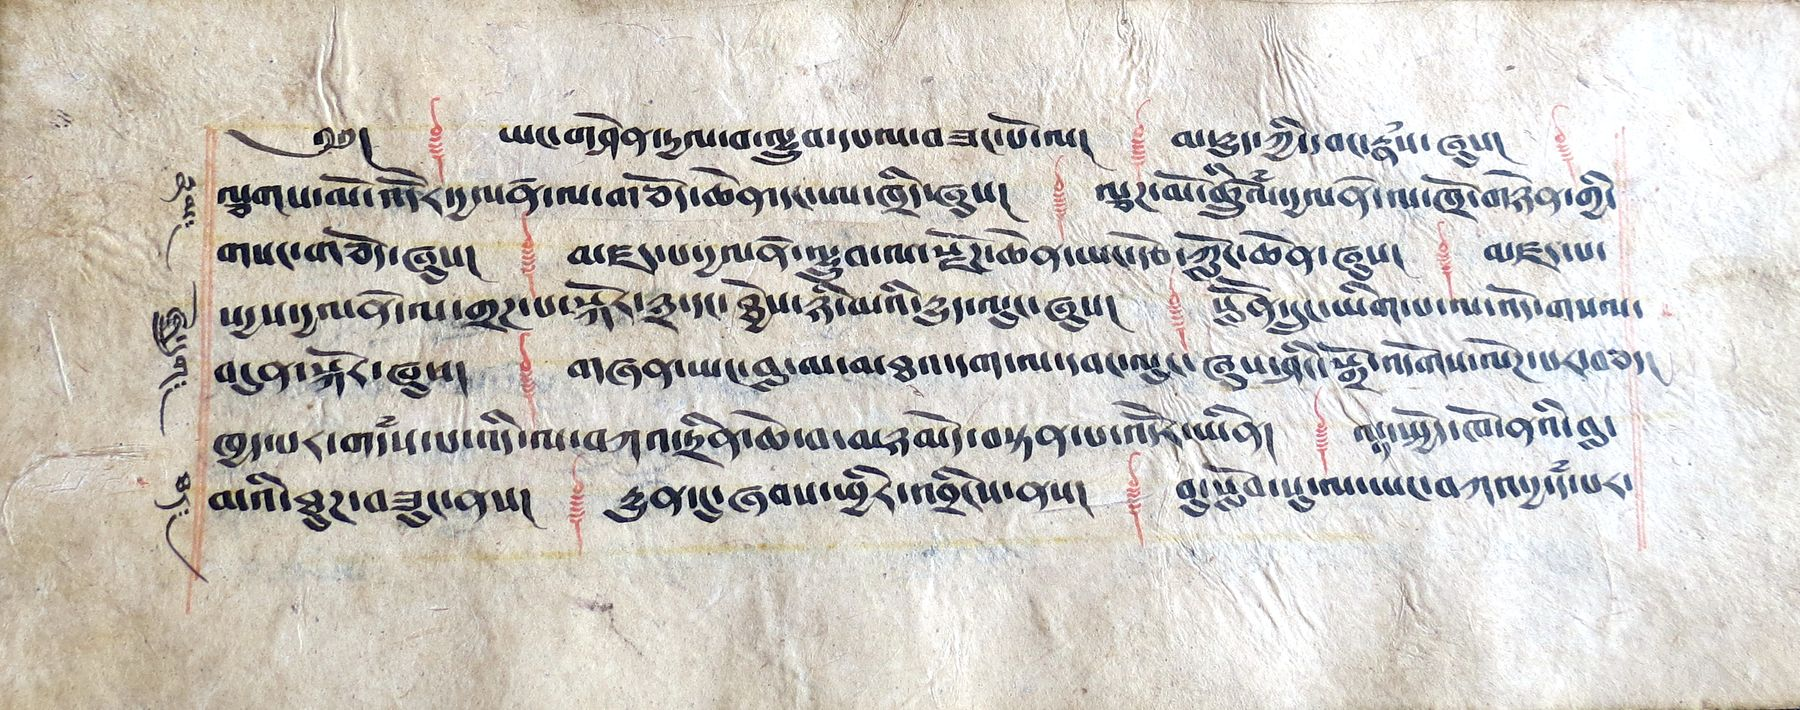གཤེན་རྒྱལ་བ་ལྷུན་གྲུབ་དཔལ་བཟང་པོ་ལ། མ་རྒྱུད་ཀྱི་དབང་རྣམས་ཞུས། 
ལྕགས་མོ་འོད་ཟེར་རྒྱལ་མཚན་ལ་གཅོད་ཆེན་དང་ཨ་ཁྲིད་ཞུས། ལྕགས་མོ་ཚུལ་ཁྲིམས་རྒྱལ་མཚན་ལ་ཁྲོ་གཉེན་གྱི་
གསང་གཅོད་ཞུས། མཛད་པ་རྒྱལ་མཚན་ལྷུན་གྲུབ་ལ་རྫོགས་ཆེན་ཡང་རྩེ་ཀློང་ཆེན་ཞུས། མཛད་པ་
སངས་རྒྱས་རྒྱལ་མཚན་ལ་བསྒྲགས་པ་སྐོར་གསུམ་དང་ཐུགས་རྗེ་ཉི་མའི་རྒྱུད་ལུང་ཞུས། སློབ་དཔོན་དྲུང་ཡིག་པ་ལ་འོད་གསལ་
བདུན་སྐོར་ཞུས། གཞན་ཡང་བླ་མ་མཐའ་དག་ལ་དབང་ལུང་ཞུས་ཤིང་སྒྲོ་འདོགས་ལེགས་པར་བཅད། 
ཁྱད་པར་གདམས་པ་འདི་ལ་བཀའ་དྲིན་ཆེ་བ་མཉམ་མེད་བསྟན་པ་འོད་ཟེར་ཡིན། ལྟ་སྤྱོད་ཁོ་ནའི་
བླ་མའི་ཐུགས་བཟུང་ནས། རྒྱུན་དུ་ཞབས་ཕྱིར་འབྲེངས་ནས། བུ་སློབ་སུ་ལ་ཡང་བཀའ་རྒྱ་དམ་པར་